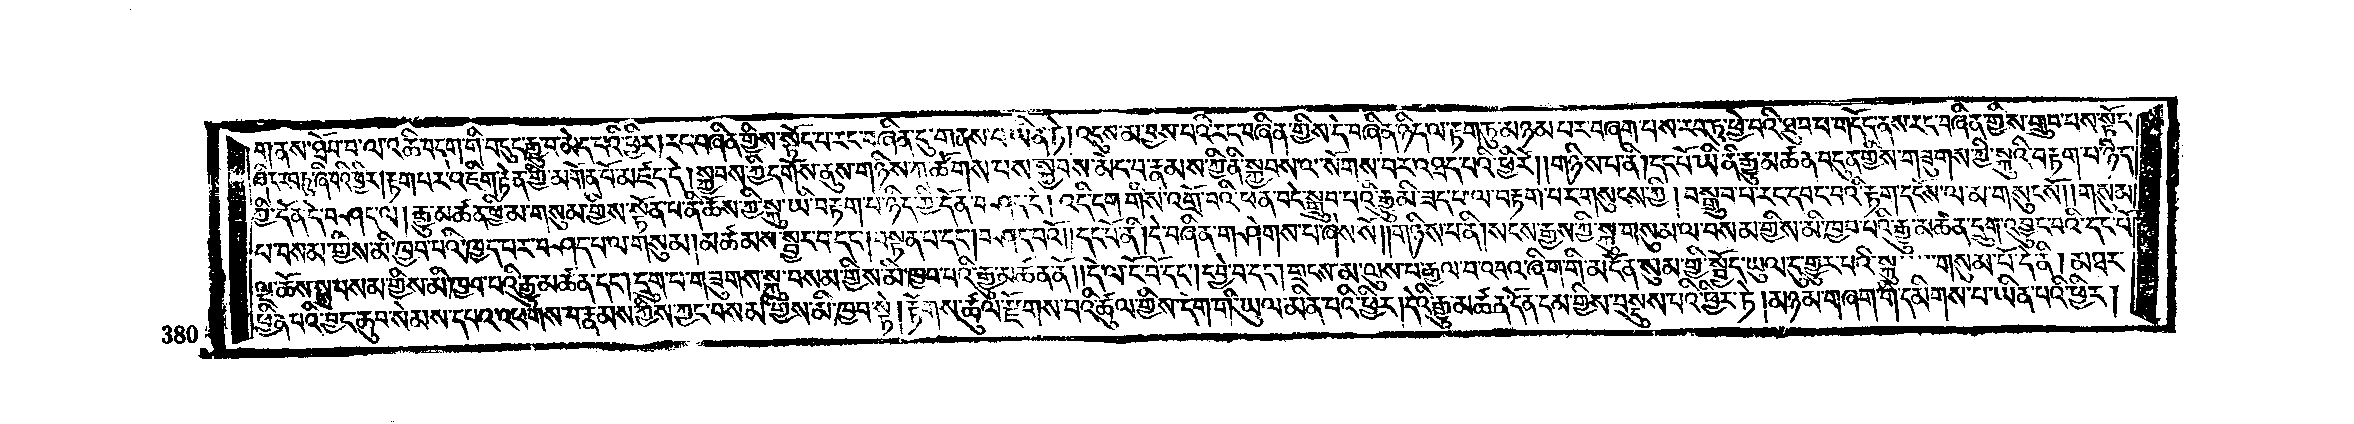གནས་ནས་ཐོབ་པ་ལ་འཆི་བདག་གི་བདུད་རྒྱུ་བ་མེད་པའི་ཕྱིར། རང་བཞིན་གྱིས་སྟོང་པ་རང་བཞིན་དུ་གནས་པ་ཡིན་ཏེ། འདུས་མ་བྱས་པའི་རང་བཞིན་གྱིས་དེ་བཞིན་ཉིད་ལ་རྟག་ཏུ་མཉམ་པར་བཞག་པས་རབ་ཏུ་ཕྱེ་བའི་ཐུབ་པ་གདོད་ནས་རང་བཞིན་གྱིས་གྲུབ་པས་སྟོང་
ཞིང་རབ་ཏུ་ཞི་བའི་ཕྱིར། རྟག་པར་འཇིག་རྟེན་གྱི་མགོན་པོ་མཛད་དེ། སྐྱབས་ཀྱི་དགོས་ནུས་གཉིས་ཀ་ཚོགས་པས་སྐྱབས་མེད་པ་རྣམས་ཀྱི་ནི་སྐྱབས་ལ་སོགས་པར་འཐད་པའི་ཕྱིར་རོ། །གཉིས་པ་ནི། དང་པོ་ཡི་ནི་རྒྱུ་མཚན་བདུན་གྱིས་གཟུགས་ཀྱི་སྐུའི་བརྟག་པ་ཉིད་
ཀྱི་དོན་དེ་བཤད་ལ། རྒྱུ་མཚན་ཕྱི་མ་གསུམ་གྱིས་སྟོན་པ་ནི་ཆོས་ཀྱི་སྐུ་ཡི་བརྟག་པ་ཉིད་ཀྱི་དོན་བཤད་དེ། འདི་དག་གིས་འགྲོ་བའི་ཕན་བདེ་སྒྲུབ་པའི་རྒྱུ་མི་ཟད་པ་ལ་བརྟག་པར་གསུངས་ཀྱི། བསྒྲུབ་པ་རང་དབང་བའི་རྟག་དངོས་ལ་མ་གསུངས་སོ། །གསུམ་
པ་བསམ་གྱིས་མི་ཁྱབ་པའི་ཁྱད་པར་བཤད་པ་ལ་གསུམ། མཚམས་སྦྱར་བ་དང་། བསྟན་པ་དང་། བཤད་པའོ། །དང་པོ་ནི། དེ་བཞིན་གཤེགས་པ་ཞེས་སོ། །གཉིས་པ་ནི། སངས་རྒྱས་ཀྱི་སྐུ་གསུམ་ལ་བསམ་གྱིས་མི་ཁྱབ་པའི་རྒྱུ་མཚན་དྲུག་འབྱུང་བའི་དང་པོ་
ལྔ་ཆོས་སྒྲ་བསམ་གྱིས་མི་ཁྱབ་པའི་རྒྱུ་མཚན་དང་། དྲུག་པ་གཟུགས་སྐུ་བསམ་གྱིས་མི་ཁྱབ་པའི་རྒྱུ་མཚན་ནོ། །དེ་ལ་ངོ་བོ་དང་། དབྱེ་བ་དང་། གྲངས་མ་ལུས་པ་རྒྱལ་བ་འབའ་ཞིག་གི་མངོན་སུམ་གྱི་སྤྱོད་ཡུལ་དུ་གྱུར་པའི་སྐུ་གསུམ་པོ་དེ་ནི། མཐར་
ཕྱིན་པའི་བྱང་ཆུབ་སེམས་དཔའ་འཕགས་པ་རྣམས་ཀྱིས་ཀྱང་བསམ་གྱིས་མི་ཁྱབ་སྟེ། རྟོགས་ཚུལ་རྫོགས་པའི་ཚུལ་གྱིས་དག་གི་ཡུལ་མིན་པའི་ཕྱིར། དེའི་རྒྱུ་མཚན་དོན་དམ་གྱིས་བསྡུས་པའི་ཕྱིར་ཏེ། མཉམ་གཞག་གི་དམིགས་པ་ཡིན་པའི་ཕྱིར།